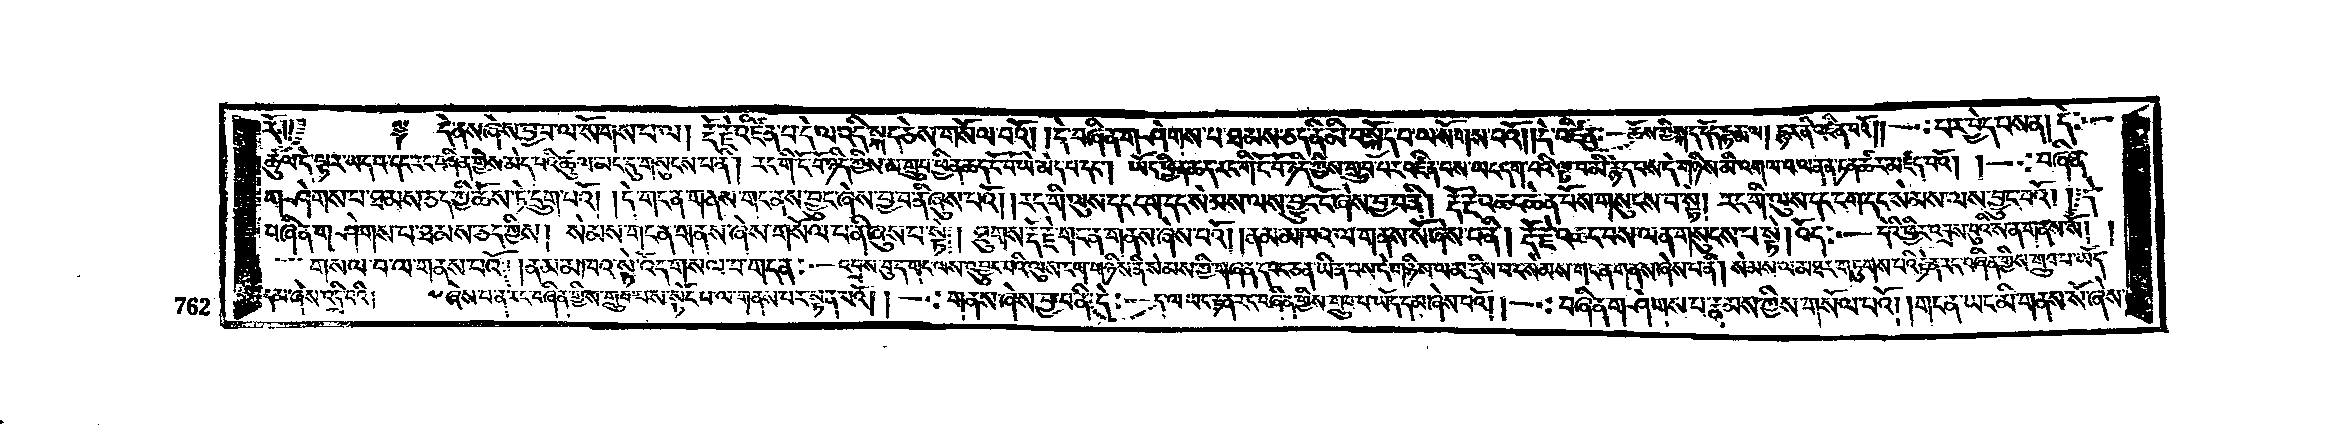རོ།། ༈ དེ་ནས་ཞེས་བྱ་བ་ལ་སོགས་པ་ལ། རྡོ་རྗེ་འཛིན་པ་དེ་ལ་འདི་སྐད་ཅེས་གསོལ་བའོ། །དེ་བཞིན་གཤེགས་པ་ཐམས་ཅད་ནི་མི་བསྐྱོད་པ་ལ་སོགས་པའོ། །དེ་འཛིན་H.་ཆོས་ཀྱི་སྐད་དོད་དྷརྨ་ལ། དྷ་ར་ནི་འཛིན་པའོ།། .H པར་བྱེད་པས་ན། དེ་H.
ཚུལ་དེ་ལྟར་ཡོད་པ་དང་རང་བཞིན་གྱིས་མེད་པའི་ཚུལ་མང་དུ་གསུངས་པ་ནི། རང་གི་ངོ་བོ་ཉིད་ཀྱིས་མ་གྲུབ་ཕྱིན་ཆད་ངོ་བོ་ཡེ་མེད་པ་དང་། ཡོང་ཕྱིན་ཆད་རང་གི་ངོ་བོ་ཉིད་ཀྱིས་གྲུབ་པར་འཛིན་པས་ཡང་དག་པའི་ལྟ་བ་མི་རྙེད་པས་དེ་གཉིས་མི་འགལ་བ་ལ་ནན་ཏན་ཚར་མཛད་པའོ། ། .H བཞིན་
གཤེགས་པ་ཐམས་ཅད་ཀྱི་ཆོས་ཏེ་དྲུག་པའོ། །དེ་གང་ན་གནས་གང་ནས་བྱུང་ཞེས་བྱ་བ་ནི་ཞུས་པའོ། །རང་གི་ལུས་དང་ངག་དང་སེམས་ལས་བྱུང་ངོ་ཞེས་བྱ་བ་ནི། རྡོ་རྗེ་འཆང་ཆེན་པོས་གསུངས་པ་སྟེ། རང་གི་ལུས་དང་ངག་དང་སེམས་ལས་བྱུང་བའོ། །དེ་
བཞིན་གཤེགས་པ་ཐམས་ཅད་ཀྱིས། སེམས་གང་ན་གནས་ཞེས་གསོལ་བ་ནི་ཞུས་པ་སྟེ། ཐུགས་རྡོ་རྗེ་གང་ན་གནས་ཞེས་པའོ། །ནམ་མཁའ་ལ་གནས་སོ་ཞེས་པ་ནི། རྡོ་རྗེ་འཆང་བས་ལན་གསུངས་པ་སྟེ། འོད་H.་དེའི་ཕྱིར་འབྲས་བུའི་ས་ན་གནས་སོ། །
གསལ་བ་ལ་གནས་པའོ། །ནམ་མཁའ་སྟེ་འོད་གསལ་བ་གང་ན་H.་འབྲས་བུ་དེ་གང་ལས་འབྱུང་བའི་ལུས་ངག་གཉིས་ནི་སེམས་ཀྱི་གཞན་དབང་ཅན་ཡིན་པས་དེ་གཉིས་ལམ་དྲིས་པར་སེམས་གང་ན་གནས་ཞེས་པ་ནི། སེམས་ལ་མཐར་གཏུགས་པའི་རྟེན་རང་བཞིན་གྱིས་གྲུབ་པ་ཡོད་
རྣམ་ཞེས་འདྲི་བའོ།། ༧་ཞེས་པ་ན་རང་བཞིན་གྱིས་གྲུབ་པས་སྟོང་པ་ལ་གནས་པར་སྟན་པའོ། ། .H གནས་ཞེས་བྱ་བ་ནི་དེ་H.་དེ་ལ་ཡང་རྟན་རང་བཞིན་གྱིས་གྲུབ་པ་ཡོད་དམ་ཞས་པའོ།། .H བཞིན་གཤེགས་པ་རྣམས་ཀྱིས་གསོལ་པའོ། །གང་ན་ཡང་མི་གནས་སོ་ཞེས་